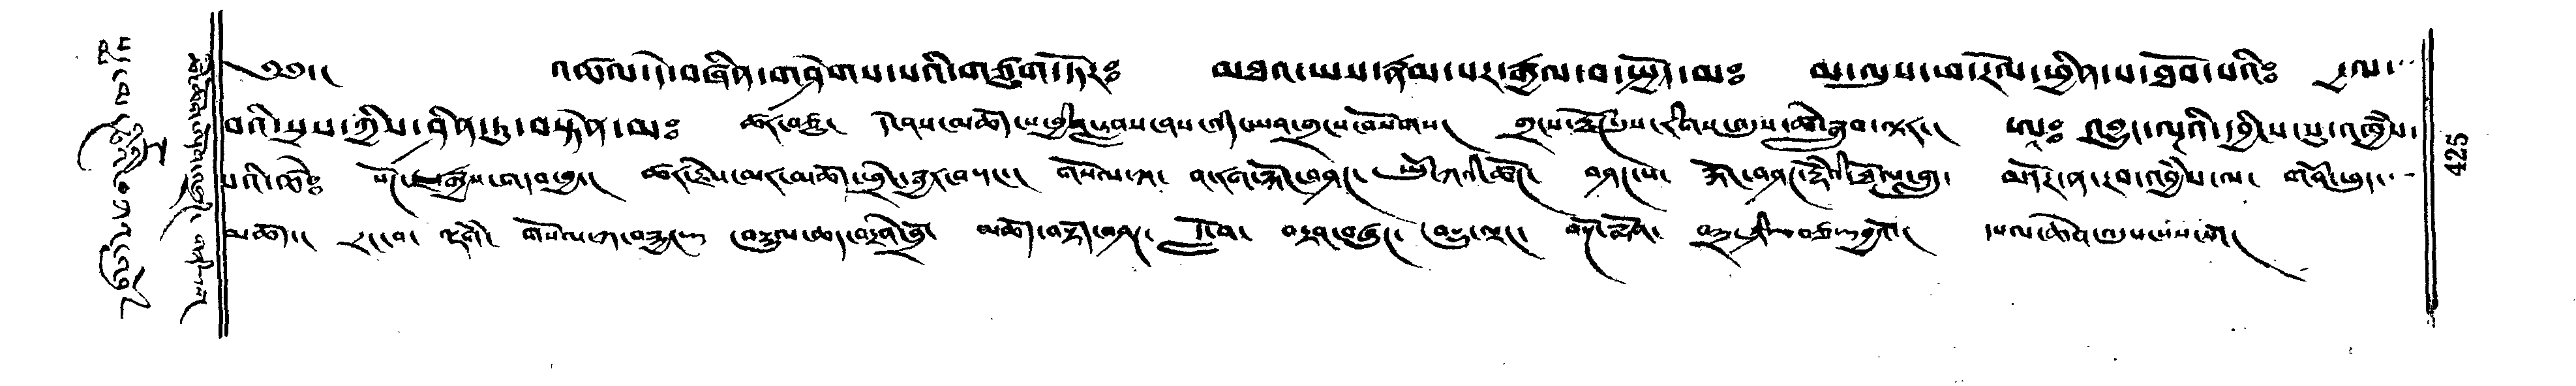འཚལ་དེ་བཞིན་གཤེགས་པའི་གཙུག་ཏོར༔ མཐའ་ཡས་རྣམ་པར་རྒྱལ་བ་སྤྱོད་མ༔ མ་ལུས་ཕ་རོལ་ཕྱིན་པ་ཐོབ་པའི༔ རྒྱལ་
བའི་སྲས་ཀྱིས་ཤིན་ཏུ་སྟེན་མ༔ ཚར་བཅུ། དེ་ནས་མཆོད་པ་བྱིན་རླབས་ནས་འདི་ཡན་གྲངས་བསག གྲངས་རྫོགས་དུས་རིག་འདུས་ཚེ་སྒྲུབ་ལྟར། ཨཱཿ འབྱུང་ལྔའི་དབྱིངས་སུ་འཁྱམས་
པའི་ཚེ༔ སོགས་རྒྱས་གདབ་བྱ། ཚར་རྗེས་མར་མཆོད་ཕྲེང་སྦྱར་བ་དང་། གསོལ་ཀ ན་རག་སྐོང་བཤགས། ཡུམ་ཀའི་ཚོགས། བཤགས་པ། སྐོང་བཤགས་རྡོ་རྗེའི་ཐོལ་གླུ། མདོར་ན་རབ་འབྱམས༴ ལ་གནམ་ཕུད་
མཆོད། དྲང་བ། ལྷག་མ། གསོལ་ཀ་བསྐྱང་། བསྐུལ་ཆད་བརྟན་བྲོ། མཆོད་བསྟོད་བཤགས། དངོས་གྲུབ། བརྟན་བཞུགས། བསྡུ་ལྡང་། བསྔོ་སྨོན། བཀྲ་ཤིས་བཅས་བྱའོ།། དཔལ་ཆེན་འདུས་པས་སོ།། དགེའོ།།